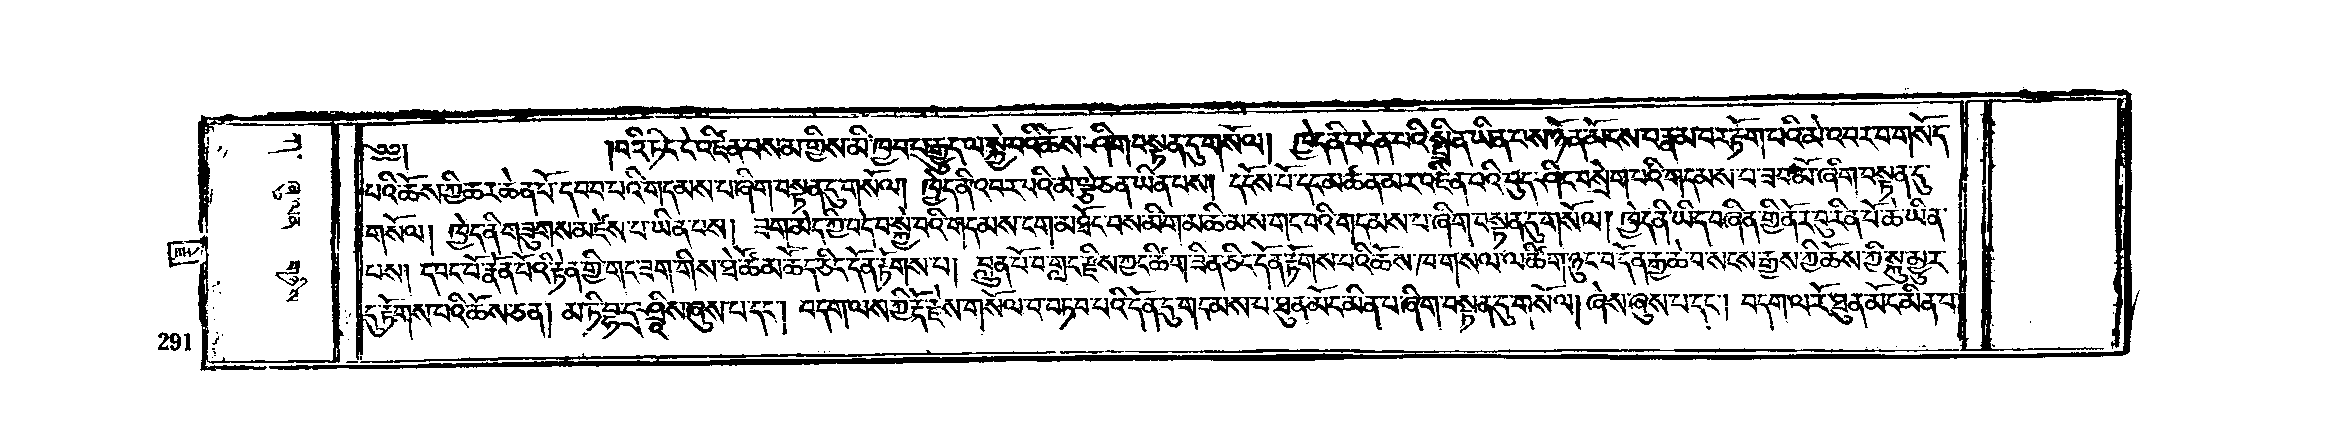༄༅། །བའི་ཏིང་ངེ་འཛིན་བསམ་གྱིས་མི་ཁྱབ་པ་རྒྱུད་ལ་སྐྱེ་བའི་ཆོས་ཤིག་བསྟན་དུ་གསོལ། ཁྱེད་ནི་བདེན་པའི་སྤྲིན་ཡིན་པས་ཉོན་མོངས་པ་རྣམ་པར་རྟོག་པའི་མི་འབར་བ་གསོད་
པའི་ཆོས་ཀྱི་ཆར་ཆེན་པོ་དབབ་པའི་གདམས་པ་ཞིག་བསྟན་དུ་གསོལ། ཁྱེད་ནི་འབར་བའི་མེ་ལྕེ་ཅན་ཡིན་པས། དངོས་པོ་དང་མཚན་མར་འཛིན་པའི་བུད་ཤིང་བསྲེག་པའི་གདམས་པ་ཟབ་མོ་ཞིག་བསྟན་དུ་
གསོལ། ཁྱེད་ནི་གཟུགས་མཛེས་པ་ཡིན་པས། ཟག་མེད་ཀྱི་བདེ་བ་སྐྱེ་བའི་གདམས་ངག་མཐོང་བས་མིག་མཆི་མས་གང་བའི་གདམས་པ་ཞིག་བསྟན་དུ་གསོལ། ཁྱེད་ནི་ཡིད་བཞིན་གྱི་ནོར་བུ་རིན་པོ་ཆེ་ཡིན་པས། དབང་པོ་རྣོན་པོའི་རྟེན་གྱི་གང་ཟག་གིས་ཐེ་ཚོམ་ཆོད་ཅིང་དོན་རྟོགས་པ། བླུན་པོ་བ་གླང་རྫིས་ཀྱང་ཚིག་ཟིན་ཅིང་དོན་རྟོགས་པའི་ཆོས་ཁ་གསལ་ལ་ཚིག་ཉུང་བ་དོན་རྒྱ་ཆེ་བ་སངས་རྒྱས་ཀྱི་ཆོས་ཀྱི་སྐུ་མྱུར་
དུ་རྟོགས་པའི་ཆོས་ཅན། མ་ཏི་བྷ་དྲ་ཤྲཱིས་ཞུས་པ་དང་། བདག་ལས་ཀྱི་རྡོ་རྗེས་གསོལ་བ་བཏབ་པའི་དོན་དུ་གདམས་པ་ཐུན་མོང་མིན་པ་ཞིག་བསྟན་དུ་གསོལ། ཞེས་ཞུས་པ་དང་། བདག་ལ་རོ་ཐུན་མོང་མིན་པ་